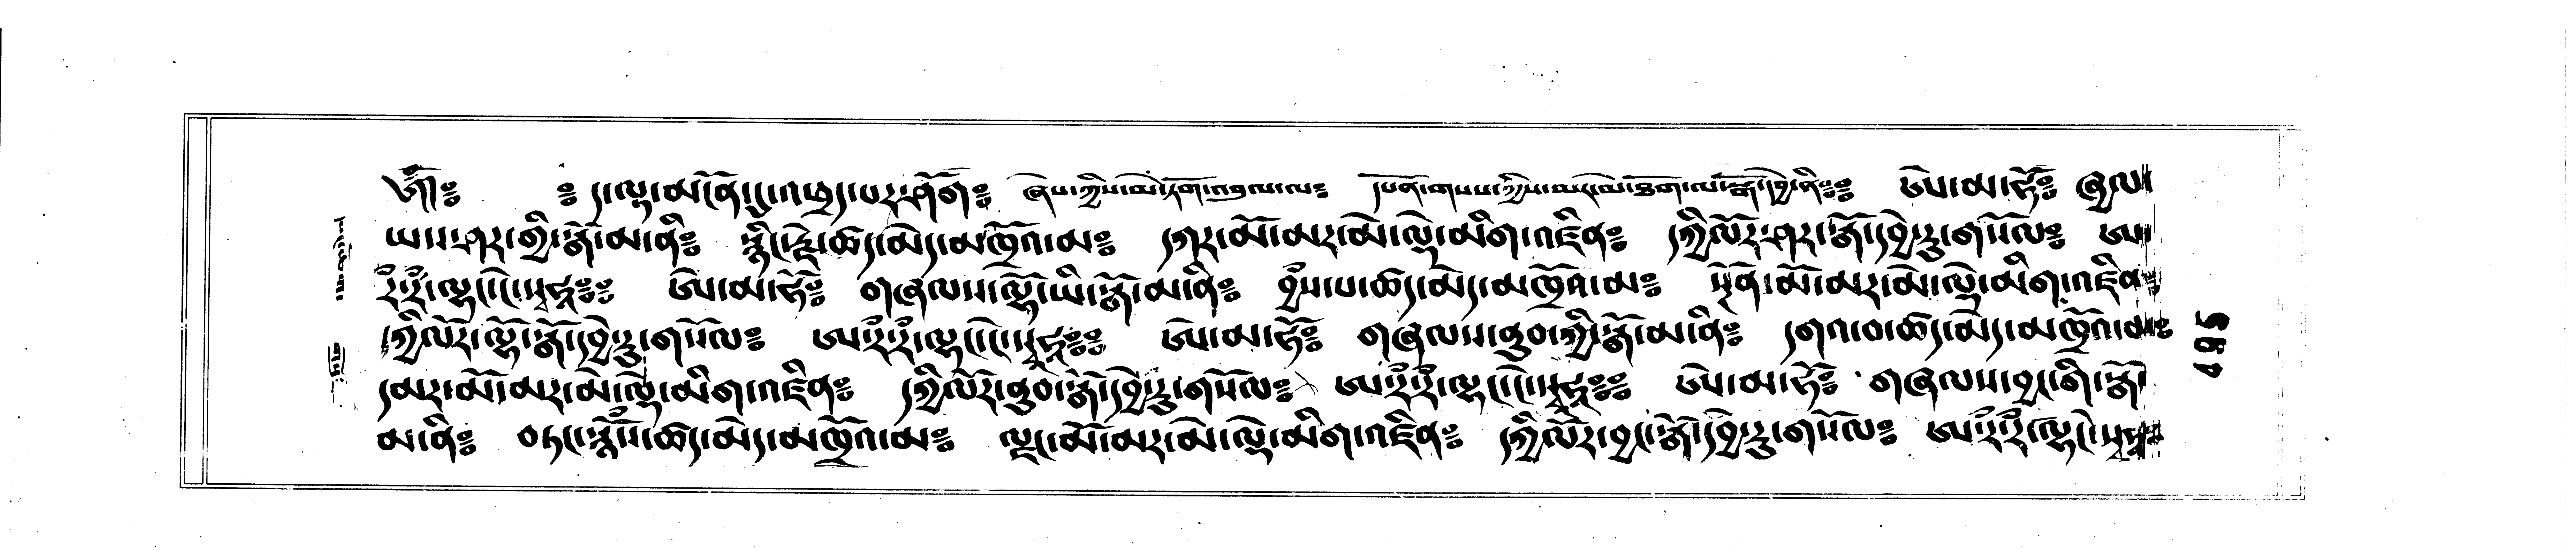༔ད་ལྟ་མངོན་དུ་འཕྲད་པར་ཤོག༔ཞེས་ཀྱིས་མེ་ཏོག་འབུལ་ལ༔དཔོན་གསས་ཀྱིས་མར་མེ་ཐོགས་ལ་སྒོ་དབྱེ་ནི༔༔ཨེ་མ་ཧོ༔གཞལ་
ཡས་ཤར་གྱི་སྒོ་མ་ནི༔སྙིང་རྗེ་ཚད་མེད་མཁའ་འགྲོ་མ༔དཀར་མོ་མར་མེ་ལྡེ་མིག་འཛིན༔དཀྱིལ་འཁོར་ཤར་སྒོ་དབྱེ་རུ་གསོལ༔ཨ་
རམ་རམ་ལྷང་ངེ་སྭཧཱ༔༔ཨེ་མ་ཧོ༔གཞལ་ཡས་ལྷོ་ཡི་སྒོ་མ་ནི༔བྱམས་པ་ཚད་མེད་མཁའ་འགྲོ་མ༔སྔོན་མོ་མར་མེ་ལྡེ་མིག་འཛིན༔
དཀྱིལ་འཁོར་ལྷོ་སྒོ་དབྱེ་རུ་གསོལ༔ཨ་རཾ་རཾ་ལྷང་ངེ་སྭཧཱ༔༔ཨེ་མ་ཧོ༔གཞལ་ཡས་ནུབ་ཀྱི་སྒོ་མ་ནི༔དགའ་བ་ཚད་མེད་མཁའ་འགྲོ་མ༔
དམར་མོ་མར་མེ་ལྡེ་མིག་འཛིན༔དཀྱིལ་འཁོར་ནུབ་སྒོ་དབྱེ་རུ་གསོལ༔ཨ་རམ་རམ་ལྷང་ངེ་སྭཧཱ༔༔ཨེ་མ་ཧོ༔གཞལ་ཡས་བྱང་གི་སྒོ་
མ་ནི༔བཏང་སྙོམས་ཚད་མེད་མཁའ་འགྲོ་མ༔ལྗང་མོ་མར་མེ་ལྡེ་མིག་འཛིན༔དཀྱིལ་འཁོར་བྱང་སྒོ་དབྱེ་རུ་གསོལ༔ཨ་རམ་རམ་ལྷང་ངེ་སྭཧཱ༔༔